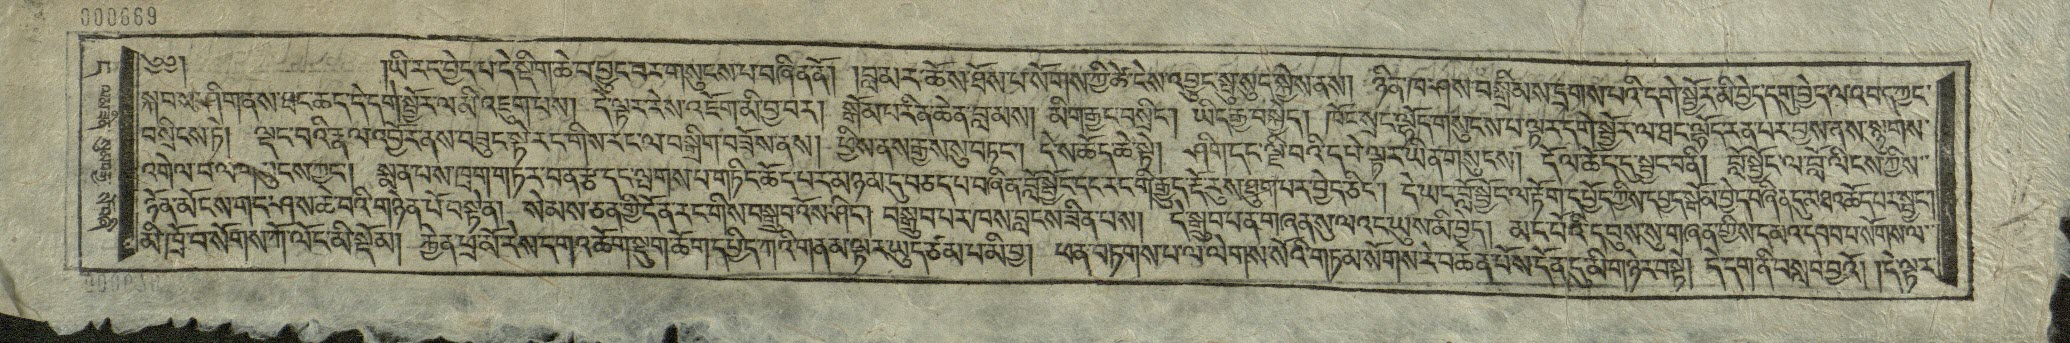༄༅། །ཡི་རང་བྱེད་པ་དེ་སྡིག་ཆེ་བ་བྱུང་བར་གསུངས་པ་བཞིན་ནོ། །བླ་མར་ཆོས་ཐོས་པ་སོགས་ཀྱི་ཚེ་ངེས་འབྱུང་སྤུ་སུད་སྐྱེས་ནས། ཉིན་ཁ་ཤས་བསྒྲིམས་དྲགས་པའི་དགེ་སྦྱོར་མི་བྱེད་དགུ་བྱེད་ལ་འབད་ཀྱང་
སྐབས་ཤིག་ནས་ཐང་ཆད་དེ་དགེ་སྦྱོར་ལ་མི་འཇུག་པས། དེ་ལྟར་རེས་འཇོག་མི་བྱ་བར། སྒོམ་པ་རིན་ཆེན་བླ་མས། མིག་རྒྱང་བསྲིང་། ཡིད་རྒྱ་བསྐྱེད། ཁོང་སྲང་ལྷོད་གསུངས་པ་ལྟར་དགེ་སྦྱོར་ལ་ཐང་ལྷོད་རན་པར་བྱས་ནས་སྙུགས་
བསྲིངས་ཏེ། ལྡང་བའི་རྣལ་འབྱོར་ནས་བཟུང་སྟེ་རང་གིས་རང་ལ་བསྒྲིག་བཟོས་ནས། ཕྱིས་ནས་རྒྱས་སུ་བཏང་། དེ་ས་ཆོད་ཆེ་སྟེ། ཤིག་དང་ལྗི་བའི་དཔེ་ལྟར་ཡིན་གསུངས། དོལ་ཆོད་དུ་སྦྱང་བ་ནི། བློ་སྦྱོང་ལ་བློ་ལིངས་ཀྱིས་
འགེལ་བ་ལ་གསུངས་ཀྱང་། སྨན་པས་ཁྲག་གཏར་བ་ན་རྩ་དང་ལྤགས་པ་གཏིང་ཆོད་པར་མཉམ་དུ་བཅད་པ་བཞིན་བློ་སྦྱོང་དང་རང་གི་རྒྱུད་རྡོ་རུས་ཐུག་པར་བྱེད་ཅིང་། དེ་ཡང་བློ་སྦྱོང་ལ་རྟོག་དཔྱོད་ཀྱིས་དཔྱད་སྒོམ་བྱེད་བཞིན་དུ་མཐའ་ཆོད་པར་སྦྱང་།
ཉོན་མོངས་གང་ཤས་ཆེ་བའི་གཉེན་པོ་བསྟེན། སེམས་ཅན་གྱི་དོན་རང་གིས་བསྒྲུབ་འོས་ཤིང་། བསྒྲུབ་པར་ཁས་བླངས་ཟིན་པས། དེ་སྒྲུབ་པ་ན་གཞན་སུ་ལའང་ཡུས་མི་བྱེད། མང་པོའི་དབུས་སུ་གཞན་གྱིས་དམའ་དབབ་པ་སོགས་ལ་
མི་ཁྲོ་བ་སོགས་ཀོ་ལོང་མི་སྡོམ། རྐྱེན་ཕྲ་མོ་རེས་དགའ་ཆོག་སྡུག་ཆོག་དཔྱིད་ཀའི་གནམ་ལྟར་ཡུད་ཙམ་པ་མི་བྱ། ཕན་བཏགས་པ་ལ་ལེགས་སོའི་གཏམ་སོགས་རེ་བ་ཆེན་པོས་དོན་དུ་མི་གཉེར་བ་སྟེ། དེ་དག་ནི་བསླབ་བྱའོ། །དེ་ལྟར་